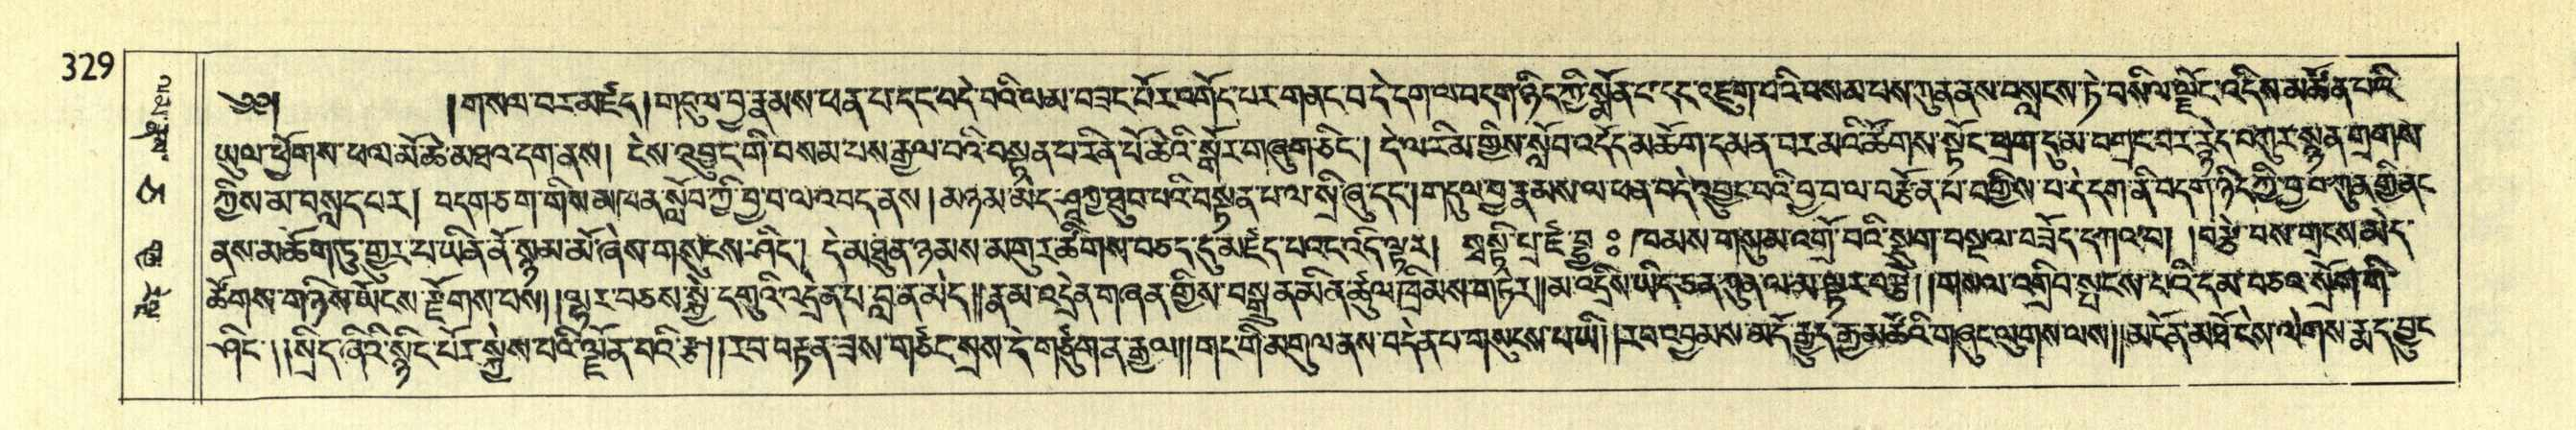༄༅། །གསལ་བར་མཛད། གདུལ་བྱ་རྣམས་ཕན་པ་དང་བདེ་བའི་ལམ་བཟང་པོར་འགོད་པར་གནང་བ་དེ་དག་ལ་བདག་ཉིད་ཀྱི་སྨོན་པ་དང་འཇུག་པའི་བསམ་པས་ཀུན་ནས་བསླངས་ཏེ་བསིལ་ལྗོང་འདིས་མཚོན་པའི་
ཡུལ་ཕྱོགས་ཕལ་མོ་ཆེ་མཐའ་དག་ནས། ངེས་འབྱུང་གི་བསམ་པས་རྒྱལ་བའི་བསྟན་པ་རིན་པོ་ཆེའི་སྒོར་གཞུག་ཅིང་། དེ་ལ་རིམ་གྱིས་སློབ་འདོད་མཆོག་དམན་བར་མའི་ཚོགས་སྟོང་ཕྲག་དུ་མ་བགྲང་བར་རྙེད་བཀུར་སྙན་གྲགས་
ཀྱིས་མ་བསླད་པར། བདག་ཅག་གིས་མཁན་སློབ་ཀྱི་བྱ་བ་ལ་འབད་ནས། མཉམ་མེད་ཤཱཀྱ་ཐུབ་པའི་བསྟན་པ་ལ་སྲི་ཞུ་དང་། གདུལ་བྱ་རྣམས་ལ་ཕན་བདེ་འབྱུང་བའི་བྱ་བ་ལ་བརྩོན་པ་བགྱིས་པ་དེ་དག་ནི་བདག་ཉིད་ཀྱི་བྱ་བ་ཀུན་གྱི་ནང་
ནས་མཆོག་ཏུ་གྱུར་པ་ཡིན་ནོ་སྙམ་མོ་ཞེས་གསུངས་ཤིང་། དེ་མཐུན་ཉམས་མགུར་ཚིགས་བཅད་དུ་མཛད་པའང་འདི་ལྟར། སྭ་སྟི་པྲ་ཛ་བྷྱཿ ཁམས་གསུམ་འགྲོ་བའི་སྡུག་བསྔལ་བཟོད་དཀའ་བ། །བརྩེ་བས་གྲངས་མེད་
ཚོགས་གཉིས་ཡོངས་རྫོགས་པས། །ལྷར་བཅས་སྐྱེ་དགུའི་འདྲེན་པ་བླ་ན་མེད། །རྣམ་འདྲེན་གཞན་གྱིས་བསྒྲུན་མིན་ཚུལ་ཁྲིམས་གཏེར། །མ་འདྲིས་ཡིད་ཅན་ཀུན་ལམ་ལྟར་བརྩེ། །གསལ་འགྲིབ་སྤངས་པའི་དམ་བཅའ་སྲོག་གི་
ཤིང་། །སྲིད་ཞིའི་སྙིང་པོར་སྐྱེས་པའི་ལྗོན་བའི་རྩ། །རབ་བརྟན་ཟས་གཙང་སྲས་དེ་གཙུག་ན་རྒྱལ། །གང་གི་མགུལ་ནས་བདེན་པ་གསུངས་པ་ཡི། །རབ་འབྱམས་མདོ་རྒྱུད་རྒྱ་མཚོའི་གཞུང་ལུགས་ལས། །མངོན་མཐོ་ངེས་ལེགས་རྨད་བྱུང་